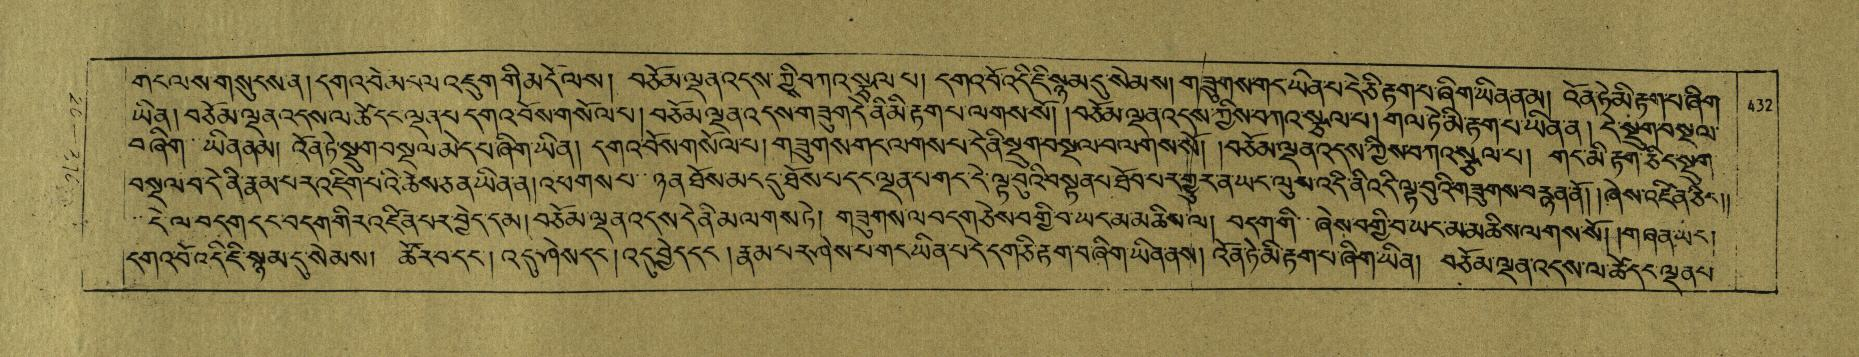གང་ལས་གསུངས་ན། དགའ་བོ་མངལ་འཇུག་གི་མདོ་ལས། བཅོམ་ལྡན་འདས་ཀྱིས་བཀའ་སྩལ་པ། དགའ་བོ་འདི་ཇི་སྙམ་དུ་སེམས། གཟུགས་གང་ཡིན་པ་དེ་ཅི་རྟག་པ་ཞིག་ཡིན་ནམ། འོན་ཏེ་མི་རྟག་པ་ཞིག་
ཡིན། བཅོམ་ལྡན་འདས་ལ་ཚེ་དང་ལྡན་པ་དགའ་བོས་གསོལ་པ། བཅོམ་ལྡན་འདས་གཟུག་དེ་ནི་མི་རྟག་པ་ལགས་སོ། །བཅོམ་ལྡན་འདས་ཀྱིས་བཀའ་སྩལ་པ། གལ་ཏེ་མི་རྟག་པ་ཡིན་ན། དེ་སྡུག་བསྔལ་
བ་ཞིག་ཡིན་ནམ། འོན་ཏེ་སྡུག་བསྔལ་མེད་པ་ཞིག་ཡིན། དགའ་བོས་གསོལ་པ། གཟུགས་གང་ལགས་པ་དེ་ནི་སྡུག་བསྔལ་བ་ལགས་སོ། །བཅོམ་ལྡན་འདས་ཀྱིས་བཀའ་སྩལ་པ། གང་མི་རྟག་ཅིང་སྡུག་
བསྔལ་བ་དེ་ནི་རྣམ་པར་འཇིག་པའི་ཆོས་ཅན་ཡིན་ན། འཕགས་པ་ཉན་ཐོས་མང་དུ་ཐོས་པ་དང་ལྡན་པ་གང་དེ་ལྟ་བུའི་བསྟན་པ་ཐོབ་པར་གྱུར་ན་ཡང་ལུས་འདི་ནི་འདི་ལྟ་བུའི་གཟུགས་བརྙན་ནོ། །ཞེས་འཛིན་ཅིང།།
དེ་ལ་བདག་དང་བདག་གིར་འཛིན་པར་བྱེད་དམ། བཅོམ་ལྡན་འདས་དེ་ནི་མ་ལགས་ཏེ། གཟུགས་ལ་བདག་ཅེས་བགྱི་བ་ཡང་མ་མཆིས་ལ། བདག་གི་ཞེས་བགྱི་བ་ཡང་མ་མཆིས་ལགས་སོ། །གཞན་ཡང་།
དགའ་བོ་འདི་ཇི་སྙམ་དུ་སེམས། ཚོར་བ་དང་། འདུ་ཤེས་དང་། འདུ་བྱེད་དང་། འདུ་བྱེད་དང་། རྣམ་པར་ཤེས་པ་གང་ཡིན་པ་དེ་དག་ཅི་རྟག་བ་ཞིག་ཡིན་ནས། འོན་ཏེ་མི་རྟག་པ་ཞིག་ཡིན་ན། བཅོམ་ལྡན་འདས་ལ་ཚེ་དང་ལྡན་པ་